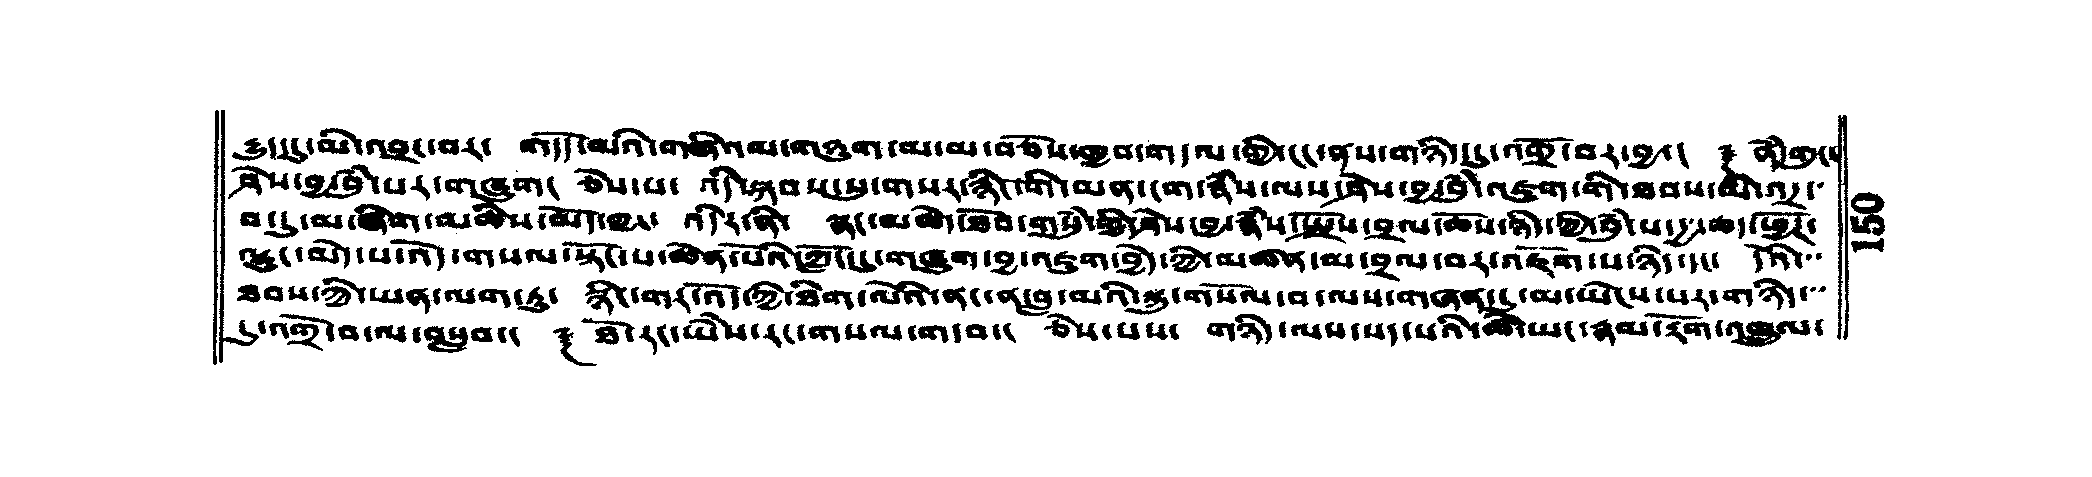རྒྱུད་དུ་མི་འབྲང་བར། གདོད་མའི་གཞིའམ་གཉུག་མ་མ་བཅོས་ཁྱབ་གདལ་གྱི་ངང་ནས་གཉིད་དུ་འགྲོ་བར་བྱ། ནམ་གུང་
ཤེས་བྱ་བུམ་པར་གཞུགཅེས་པ། འདི་སྐབས་སུ་གསར་རྙིང་གི་མན་ངག་རྣམས་ལས་ཤེས་བྱ་བུམ་འཇུག་གི་ཐབས་མི་འདྲ་
བ་དུ་མ་ཞིག་མཆིས་མོད་ཀྱང་། འདིར་ནི། སྣང་མཆེད་ཐོབ་གསུམ་གྱི་ཤེས་བྱ་རྣམས་སྤྲོས་བྲལ་ཆོས་ཉིད་ཀྱི་བུམ་པ་རྒྱ་ཆད་ཕྱོགས་
ལྷུང་མེད་པ་འོད་གསལ་སྟོང་པ་ཆེན་པོའི་ཀློང་དུ་གཞུག་བྱ་འཇུག་བྱེད་ཀྱི་མཚན་མ་བྲལ་བར་འཇོག་པ་ཉིད་དང་། དེའི་
ཐབས་ཀྱི་ཡན་ལག་ཏུ། སྙིང་གར་འོད་ཀྱི་ཐེག་ལེའི་ནང་ན་བླ་མའི་སྐུ་གསལ་བ་ལས་གཞན་དུ་མ་ཡེངས་པར་གཉིད་
དུ་འགྲོ་བ་ལ་བསླབ། ཐོ་རངས་ཡེ་ཤེས་རང་གསལ་གདབ། ཅེས་པས། གཉིད་ལས་སད་པའི་ཚེ་ཡང་རྣམ་རྟོག་འཁྲུལ་